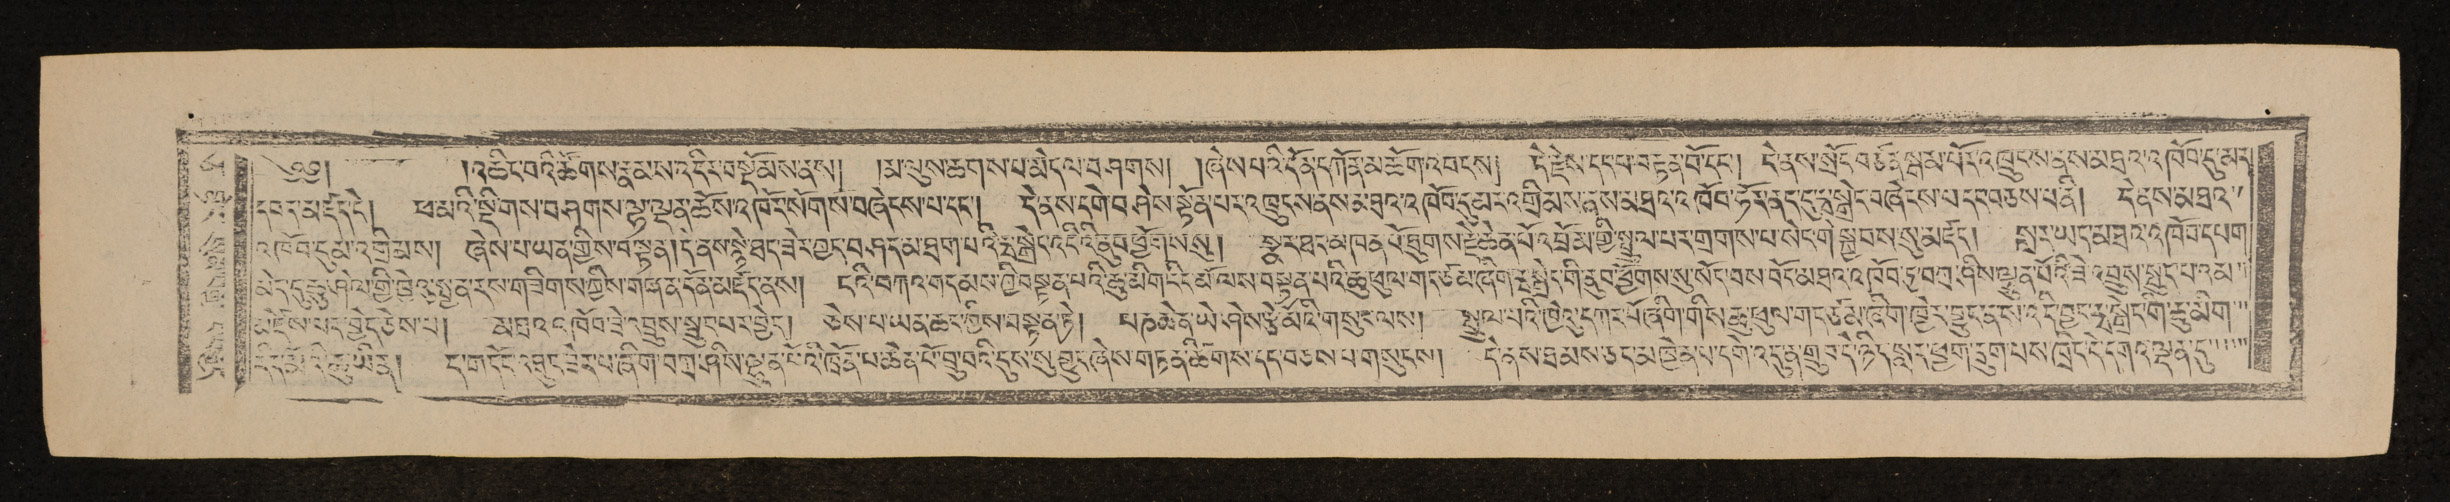༄༅། །འཆིང་བའི་ཚོགས་རྣམས་འདི་རབ་སྡོམས་ནས། །མ་ལུས་ཆགས་པ་མེད་ལ་བཤགས། །ཞེས་པའི་དོན་དཀོན་མཆོག་འབངས། དེ་རྗེས་དད་པ་བརྟན་པོ་དང་། དེ་ནས་སྲོང་བཙན་སྒམ་པོར་འཁྲུངས་ནས་མཐའ་འཁོབ་དུ་མར་
དབང་མཛད་དེ། ཕ་མའི་སྡིགས་བཤགས་ལྷ་ལྡན་ཆོས་འཁོར་སོགས་བཞེངས་པ་དང་། དེ་ནས་དགེ་བ་ཤེས་སྟོན་པར་འཁྲུངས་ནས་མཐའ་འཁོབ་དུ་མར་འགྲིམས་ནས་མཐའ་འཁོབ་ཧོར་ནང་དུ་རྭ་སྒྲེང་བཞེངས་པ་དང་བཅས་པ་ནི། དེ་ནས་མཐའ་
འཁོབ་དུ་མ་འགྲིམས། ཞེས་པ་ཡན་གྱིས་བསྟན། དེ་ནས་སྙེ་ཐང་ཟེར་ཀྱང་བཤད་མ་ཐག་པའི་རྭ་སྒྲེང་འདིའི་ནུབ་ཕྱོགས་སུ། སྣར་ཐང་མཁན་པོ་ཐུགས་རྗེ་ཆེན་པོ་འབྲོམ་གྱི་སྤྲུལ་པར་གྲགས་པ་སེང་གེ་སྐྱབས་སུ་མཛད། སླར་ཡང་མཐའ་འཁོབ་དཔག་
མེད་དུ་ཆུ་ཤེལ་གྱི་ཁྱེའུ་སྤྱན་རས་གཟིགས་ཀྱིས་གཞན་དོན་མཛད་ནས། ངའི་བཀའ་གདམས་ཀྱི་བསྟན་པའི་ཆུ་མིག་རིང་མོ་ལས་བསྟན་པའི་ཆུ་ཕུལ་གང་ཙམ་ཞིག་རྭ་སྒྲེང་གི་ནུབ་ཕྱོགས་སུ་སོང་བས་བོད་མཐའ་འཁོབ་ཏུ་བཀྲ་ཤིས་ལྷུན་པོའི་ཟེ་འབྲུས་སྤུད་པ་འམ་
མཛེས་པར་བྱེད་ཅེས་པ། མཐའ་འཁོབ་ཟེ་འབྲུས་སྤུང་པར་བྱེད། ཅེས་པ་ཡན་ཆད་ཀྱིས་བསྟན་ཏེ། པཎ་ཆེན་ཡེ་ཤེས་རྩེ་མོའི་གསུང་ལས། སྤྲུལ་པའི་ཁྱེའུ་དཀར་པོ་ཞིག་གིས་ཆུ་ཕུལ་གང་ཙམ་ཞིག་ཁྱེར་བྱུང་ནས་འདི་བྱང་རྭ་སྒྲེང་གི་ཆུ་མིག་
རིང་མོའི་ཆུ་ཡིན། ད་གདོང་འཐུང་ཟེར་བ་ཞིག་བཀྲ་ཤིས་ལྷུན་པོའི་ཁྲོན་པ་ཆེན་པོ་བྲུ་བའི་དུས་སུ་བྱུང་ཞེས་གཏན་ཚིགས་དང་བཅས་པ་གསུངས། དེ་ནས་ཐམས་ཅད་མཁྱེན་པ་དགེ་འདུན་གྲུབ་དེ་ཉིད་སླར་ཕྱག་དྲུག་པས་ཁྲིད་དེ་དགའ་ལྡན་དུ་